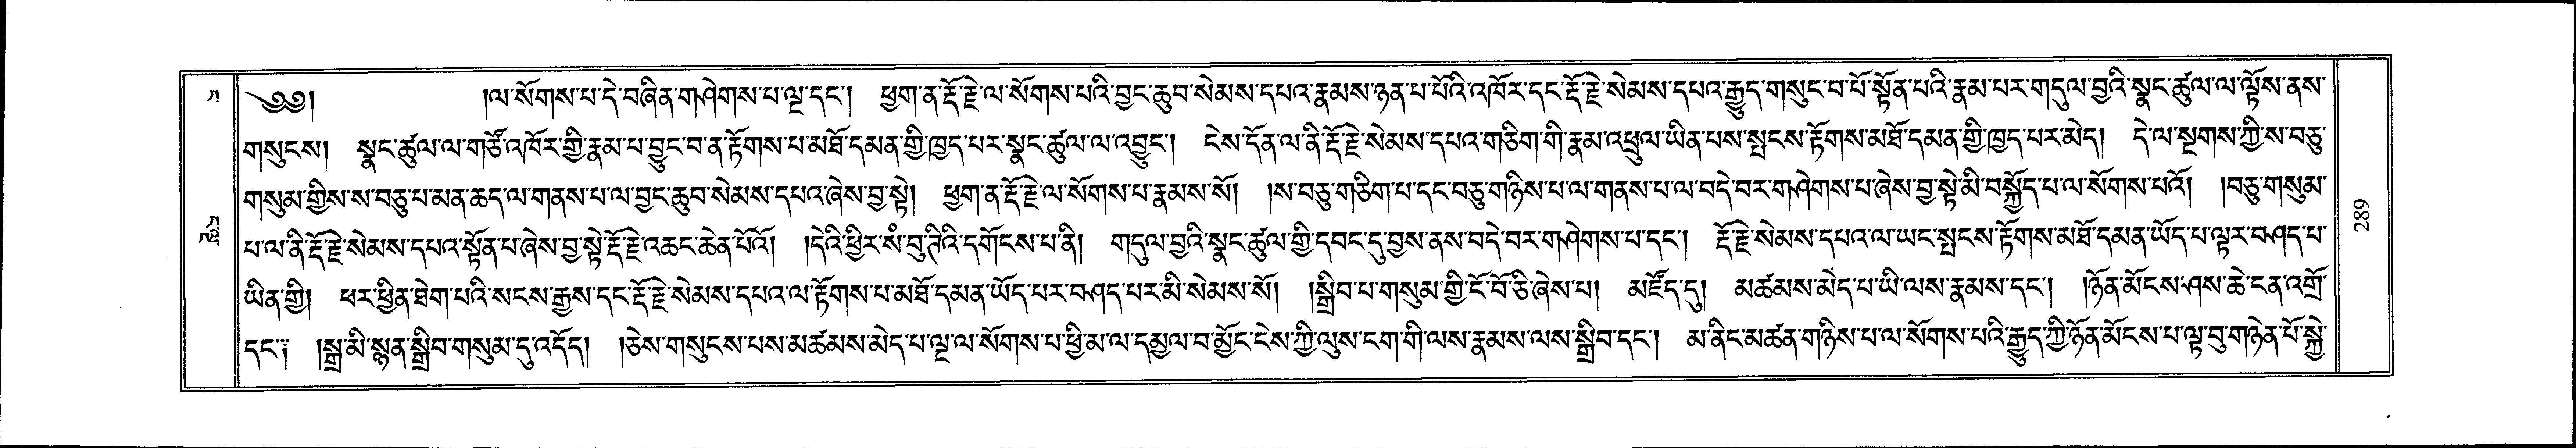༄༅། །ལ་སོགས་པ་དེ་བཞིན་གཤེགས་པ་ལྔ་དང་། ཕྱག་ན་རྡོ་རྗེ་ལ་སོགས་པའི་བྱང་ཆུབ་སེམས་དཔའ་རྣམས་ཉན་པ་པོའི་འཁོར་དང་རྡོ་རྗེ་སེམས་དཔའ་རྒྱུད་གསུང་བ་པོ་སྟོན་པའི་རྣམ་པར་གདུལ་བྱའི་སྣང་ཚུལ་ལ་ལྟོས་ནས་
གསུངས། སྣང་ཚུལ་ལ་གཙོ་འཁོར་གྱི་རྣམ་པ་བྱུང་བ་ན་རྟོགས་པ་མཐོ་དམན་གྱི་ཁྱད་པར་སྣང་ཚུལ་ལ་འབྱུང་། ངེས་དོན་ལ་ནི་རྡོ་རྗེ་སེམས་དཔའ་གཅིག་གི་རྣམ་འཕྲུལ་ཡིན་པས་སྤངས་རྟོགས་མཐོ་དམན་གྱི་ཁྱད་པར་མེད། དེ་ལ་སྔགས་ཀྱི་ས་བཅུ་
གསུམ་གྱིས་ས་བཅུ་པ་མན་ཆད་ལ་གནས་པ་ལ་བྱང་ཆུབ་སེམས་དཔའ་ཞེས་བྱ་སྟེ། ཕྱག་ན་རྡོ་རྗེ་ལ་སོགས་པ་རྣམས་སོ། །ས་བཅུ་གཅིག་པ་དང་བཅུ་གཉིས་པ་ལ་གནས་པ་ལ་བདེ་བར་གཤེགས་པ་ཞེས་བྱ་སྟེ་མི་བསྐྱོད་པ་ལ་སོགས་པའོ། །བཅུ་གསུམ་
པ་ལ་ནི་རྡོ་རྗེ་སེམས་དཔའ་སྟོན་པ་ཞེས་བྱ་སྟེ་རྡོ་རྗེ་འཆང་ཆེན་པོའོ། །དེའི་ཕྱིར་སཾ་བུ་ཊིའི་དགོངས་པ་ནི། གདུལ་བྱའི་སྣང་ཚུལ་གྱི་དབང་དུ་བྱས་ནས་བདེ་བར་གཤེགས་པ་དང་། རྡོ་རྗེ་སེམས་དཔའ་ལ་ཡང་སྤངས་རྟོགས་མཐོ་དམན་ཡོད་པ་ལྟར་བཤད་པ་
ཡིན་གྱི། ཕར་ཕྱིན་ཐེག་པའི་སངས་རྒྱས་དང་རྡོ་རྗེ་སེམས་དཔའ་ལ་རྟོགས་པ་མཐོ་དམན་ཡོད་པར་བཤད་པར་མི་སེམས་སོ། །སྒྲིབ་པ་གསུམ་གྱི་ངོ་བོ་ཅི་ཞེས་པ། མཛོད་དུ། མཚམས་མེད་པ་ཡི་ལས་རྣམས་དང་། །ཉོན་མོངས་ཤས་ཆེ་ངན་འགྲོ་
དང་། །སྒྲ་མི་སྙན་སྒྲིབ་གསུམ་དུ་འདོད། །ཅེས་གསུངས་པས་མཚམས་མེད་པ་ལྔ་ལ་སོགས་པ་ཕྱི་མ་ལ་དམྱལ་བ་མྱོང་ངེས་ཀྱི་ལུས་ངག་གི་ལས་རྣམས་ལས་སྒྲིབ་དང་། མ་ནིང་མཚན་གཉིས་པ་ལ་སོགས་པའི་རྒྱུད་ཀྱི་ཉོན་མོངས་པ་ལྟ་བུ་གཉེན་པོ་སྐྱེ་